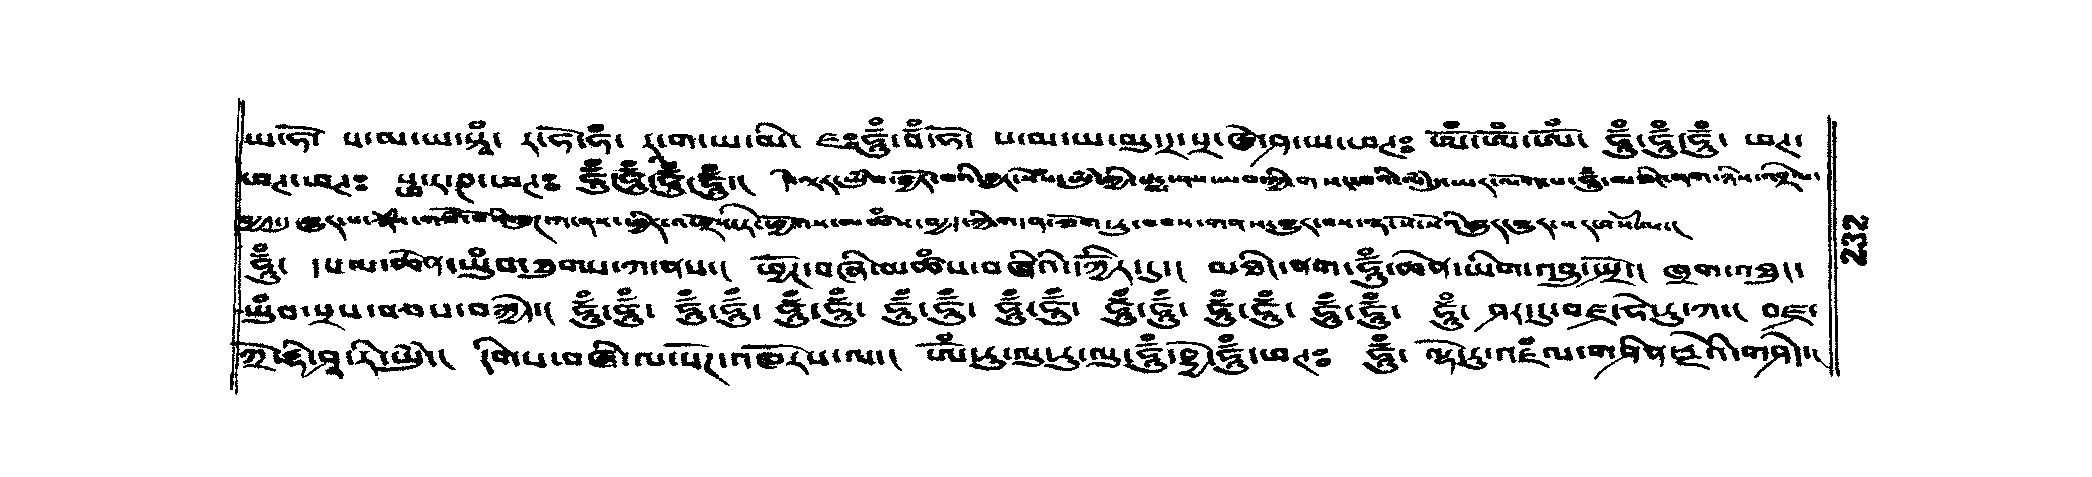ཡ་ཧོ། ས་མ་ཡ་སྟྭ། ར་ཧོ་ཧཾ། རཱ་ག་ཡ་མི། ས་མ་ཡ་མུ་དྲ་པྲ་ཝེ་ཤ་ཡ་ཕཊཿ ཨོཾ་ཨོཾ་ཨོཾ། ཧཱུྃ་ཧཱུྃ་ཧཱུྃ། ཕཊ་
ཕཊ་ཕཊ། སྥ་ར་ཎ་ཕཊཿ ཧཱུྃ་ཧཱུྃ་ཧཱུྃ་ཧཱུྃ། དེ་ལྟར་ཡབ་ཡམ་སྦྱོར་བས་བྱང་སེམས་ཡུམ་གྱི་པདྨ་ནས་ཡབ་ཀྱི་གསང་བའི་ལམ་དུ་ཡར་ལོག་པ་ཧཱུྃ་མཐིང་ནག་ཉིས་འབྲེལ་
བརྒྱད་དུ་གྱུར་པ་རྣམས་གཙོ་བོའི་ཐུགས་ཀ་ནས་ཕྱིར་འཕྲོས་ཏེ་ཕྱོགས་མཚམས་བརྒྱད་ཀྱི་གདན་ཐོག་ཏུ་བབས་གནས་གྱུར་བས་ལྷ་སོ་སོའི་སྐུར་གྱུར་པར་བསམ་ལ། 
ཧཱུྃ། དཔལ་ཆེན་ཡབ་ཡུམ་ཐུགས་ཀ་ནས། །ཕྱོགས་བཞི་མཚམས་བཞིའི་དཀྱིལ་འཁོར་དུ། །མཐིང་ནག་ཧཱུྃ་ཆེན་ཡིག་འབྲུ་སྤྲོ། ཁྲག་འཐུང་
ཡབ་ཡུམ་སྲས་བཅས་བསྐྱེད། །ཧཱུྃ་ཧཱུྃ། ཧཱུྃ་ཧཱུྃ། ཧཱུྃ་ཧཱུྃ། ཧཱུྃ་ཧཱུྃ། ཧཱུྃ་ཧཱུྃ། ཧཱུྃ་ཧཱུྃ། ཧཱུྃ་ཧཱུྃ། ཧཱུྃ་ཧཱུྃ། ཧཱུྃ། ཤར་དུ་བཛྲ་ཧེ་རུ་ཀ། །བཛྲ་
ཀྲི་དྷི་ཤྭ་རི་ཡུམ། །རིགས་བཞི་ལ་སོགས་འཁོར་བཅས་ལ། །ཨོཾ་རུ་ལུ་རུ་ལུ་ཧཱུྃ་བྷྱོ་ཧཱུྃ་ཕཊཿ ཧཱུྃ། ལྷོ་རུ་འཇམ་དཔལ་གཤིན་རྗེའི་གཤེད། །